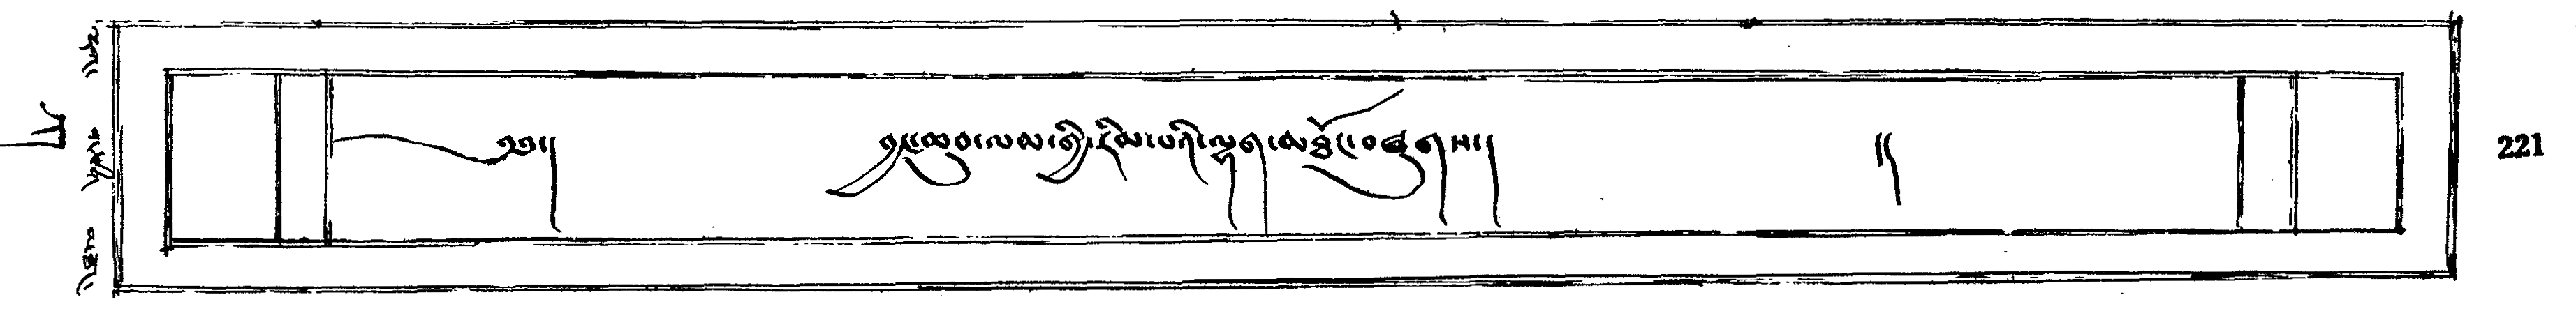བྱང་ཆུབ་ལམ་གྱི་རིམ་པའི་ལྷག་མཐོང་བཞུགས།།